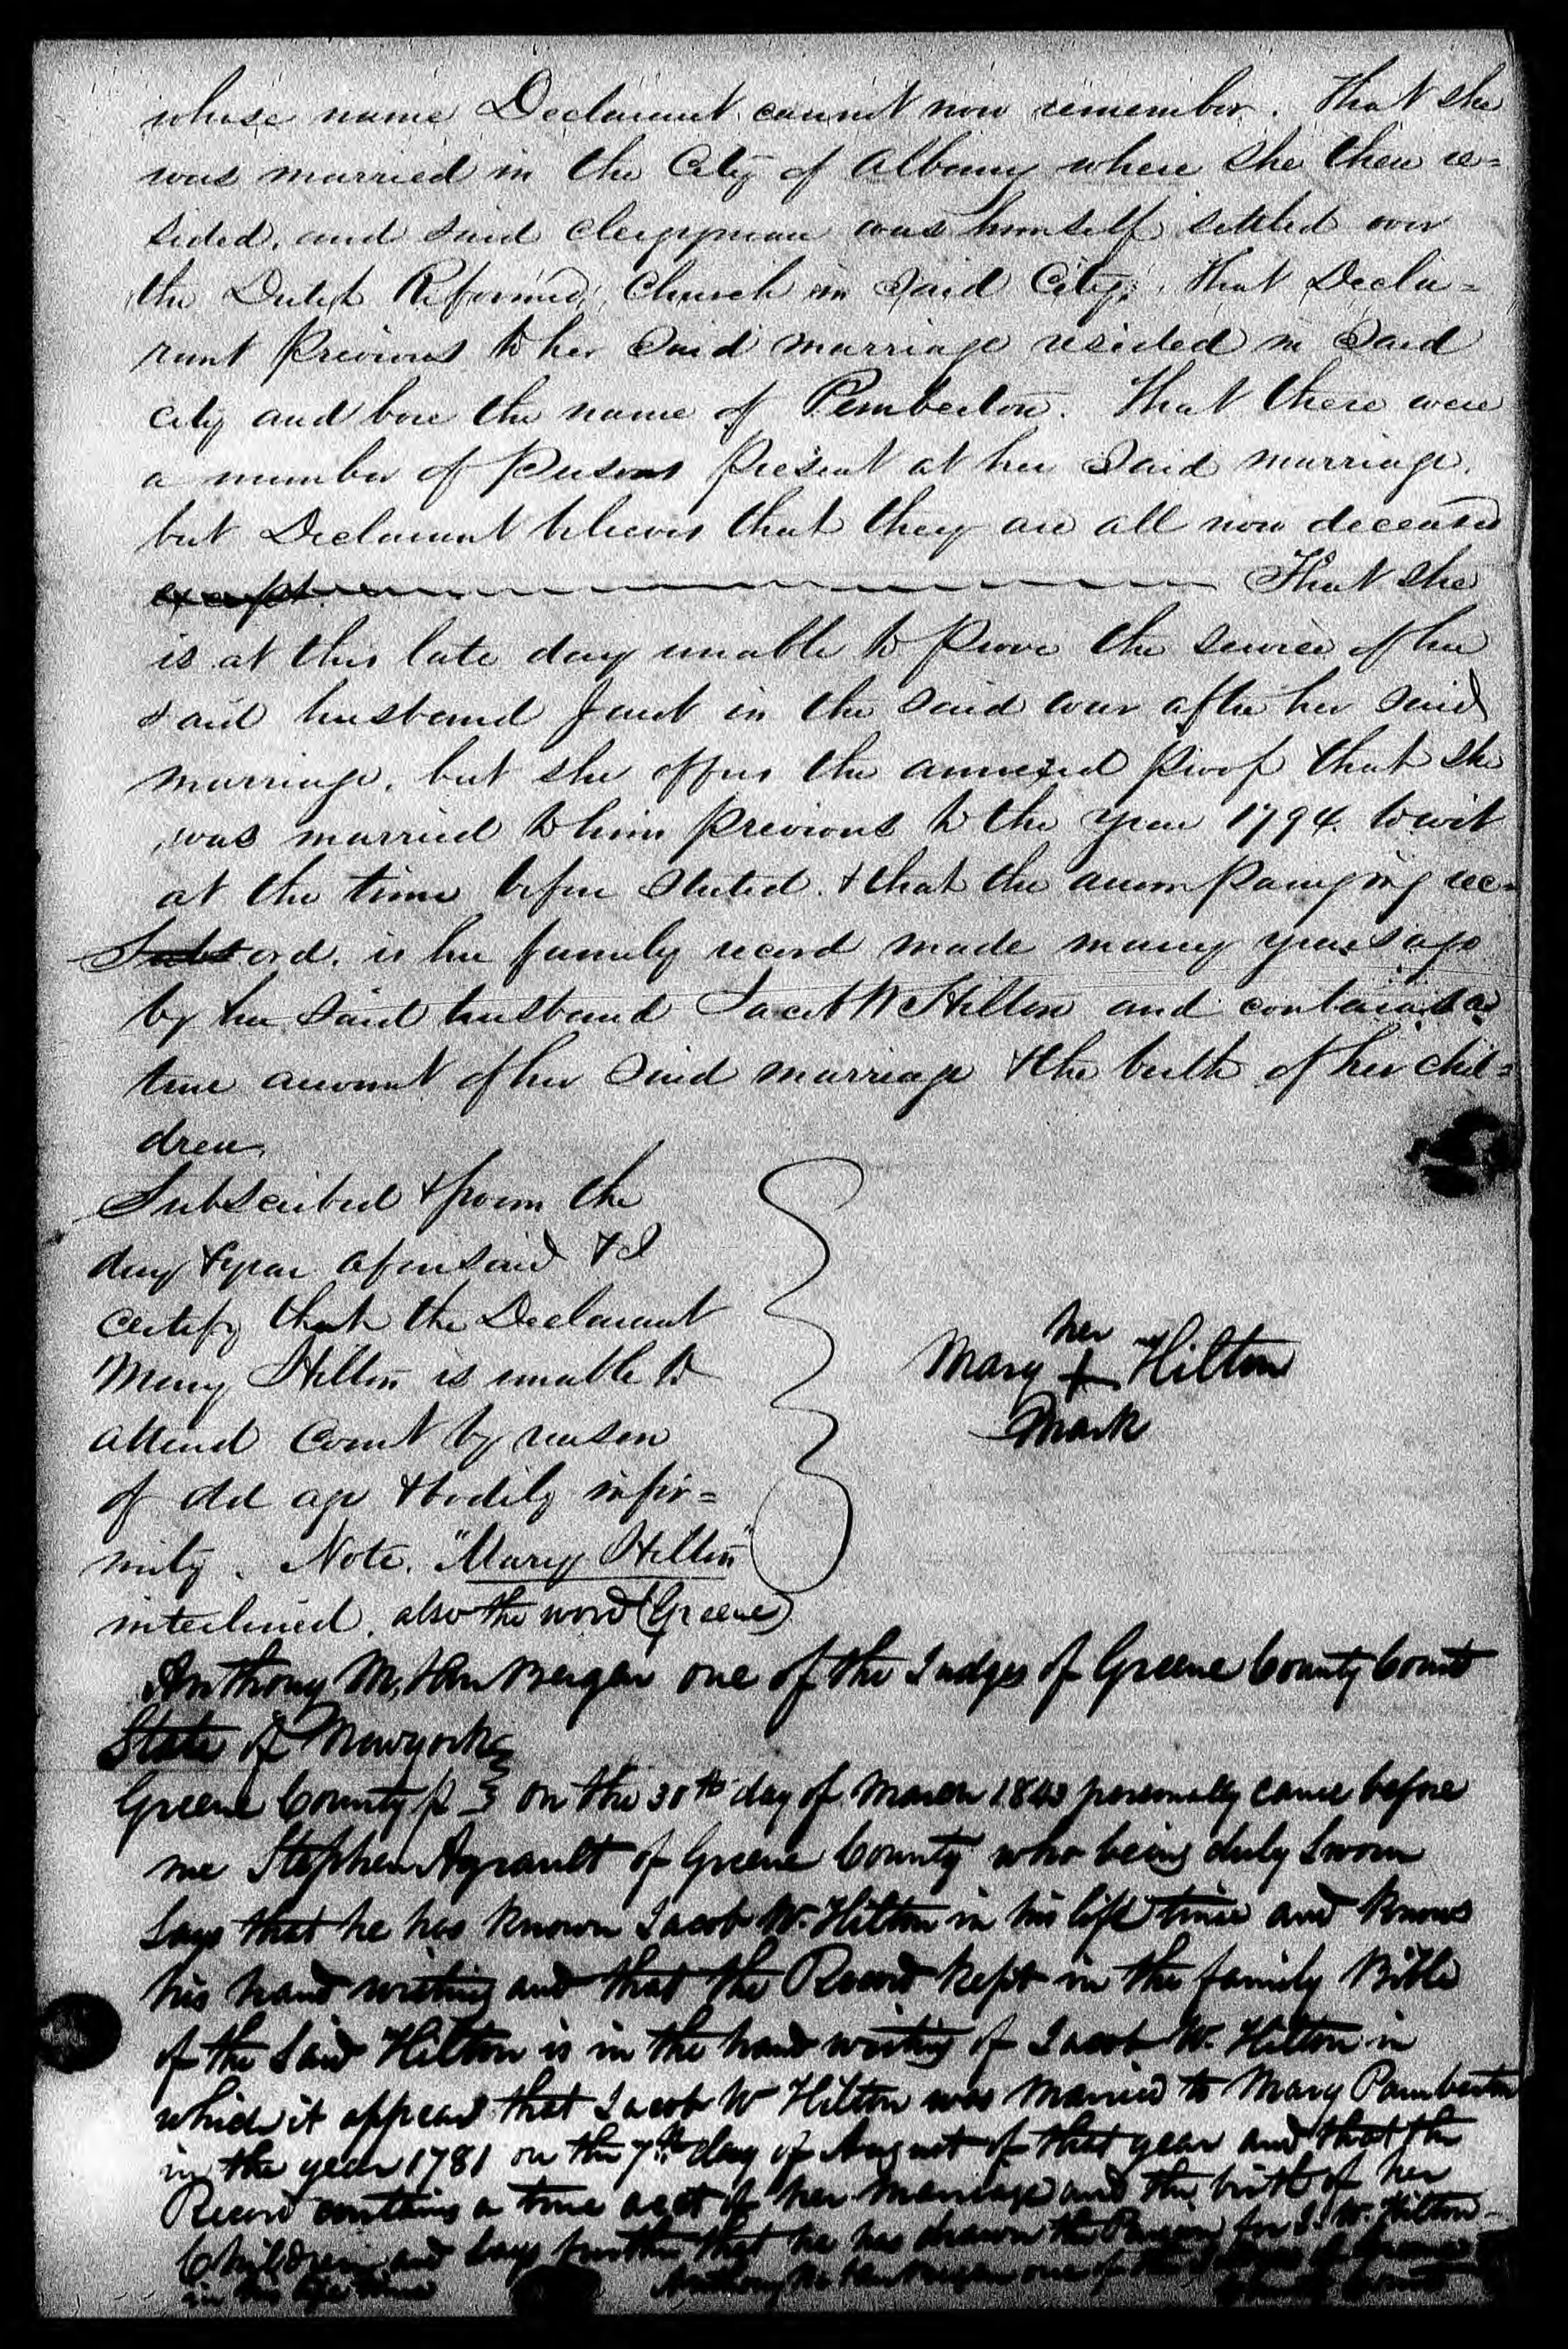whose name declarant cannot now remember that she was married in the City of Albany where she then we sided, and said clergyman was himself settled over the Dutch Reformed Church in said City, that Declarent previous to her said marriage resided in said City and bore the name of Pemberton. That there were a number of persons present at her said marriage but declarant believes that they are all now deceased --- - - That she is at this late day unable to prove the service of her said husband Jacob in the said war after her said marriage, but she offers the annexed proof that she was married to him previous to the year 1794 to wit at the time before stated & that the accompanying record is her family record made many years ago by her said husband Jacob W Hilton and contains a  true account of her said marriage & the birth of her children.
 Subscribed & from the day & year aforesaid & I certify that the declarant Mary Hiller is unable to attend Court by reason of old age & bodily infirmity. Note “Mary Hilton”” interlined also the word (Greene) Anthony M. H Bergan one of the Judges of Greene County Greta state of New York. 
Green County } on the 30th day of March 1843 personally came before me Stephen Agraunt of Greene County who being duly sworn says that he has known Jacob W. Hilton in his life time and knows his hand writing and that the Record kept in the family Bible of the said Hilton is in the hand writing of Jacob W. Hilton in which it appears that Jacob W Hilton was married to Mary Pemberton in the year 1781 on the 7th day of August of that year and that the Record contains a true acct of her marriage and the birth of her children and says further that he has drawn the pension for J W Hilton in the 4 mos Anthony [illegible] one of the [illegible]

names: Jacob W Hilton, Stephens Agrault, Mary Pamberton, Jacob W Hilton, Mary Hilton, Mary Hilton, Jacob W Hilton, Jacob W Hilton, Hilton, Anthony M Van Bergen, Mary Hilton, Jacob, J W Hilton, Anthony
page: 15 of 48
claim: widow's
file: W. 19788, Jacob W Hilton, New York